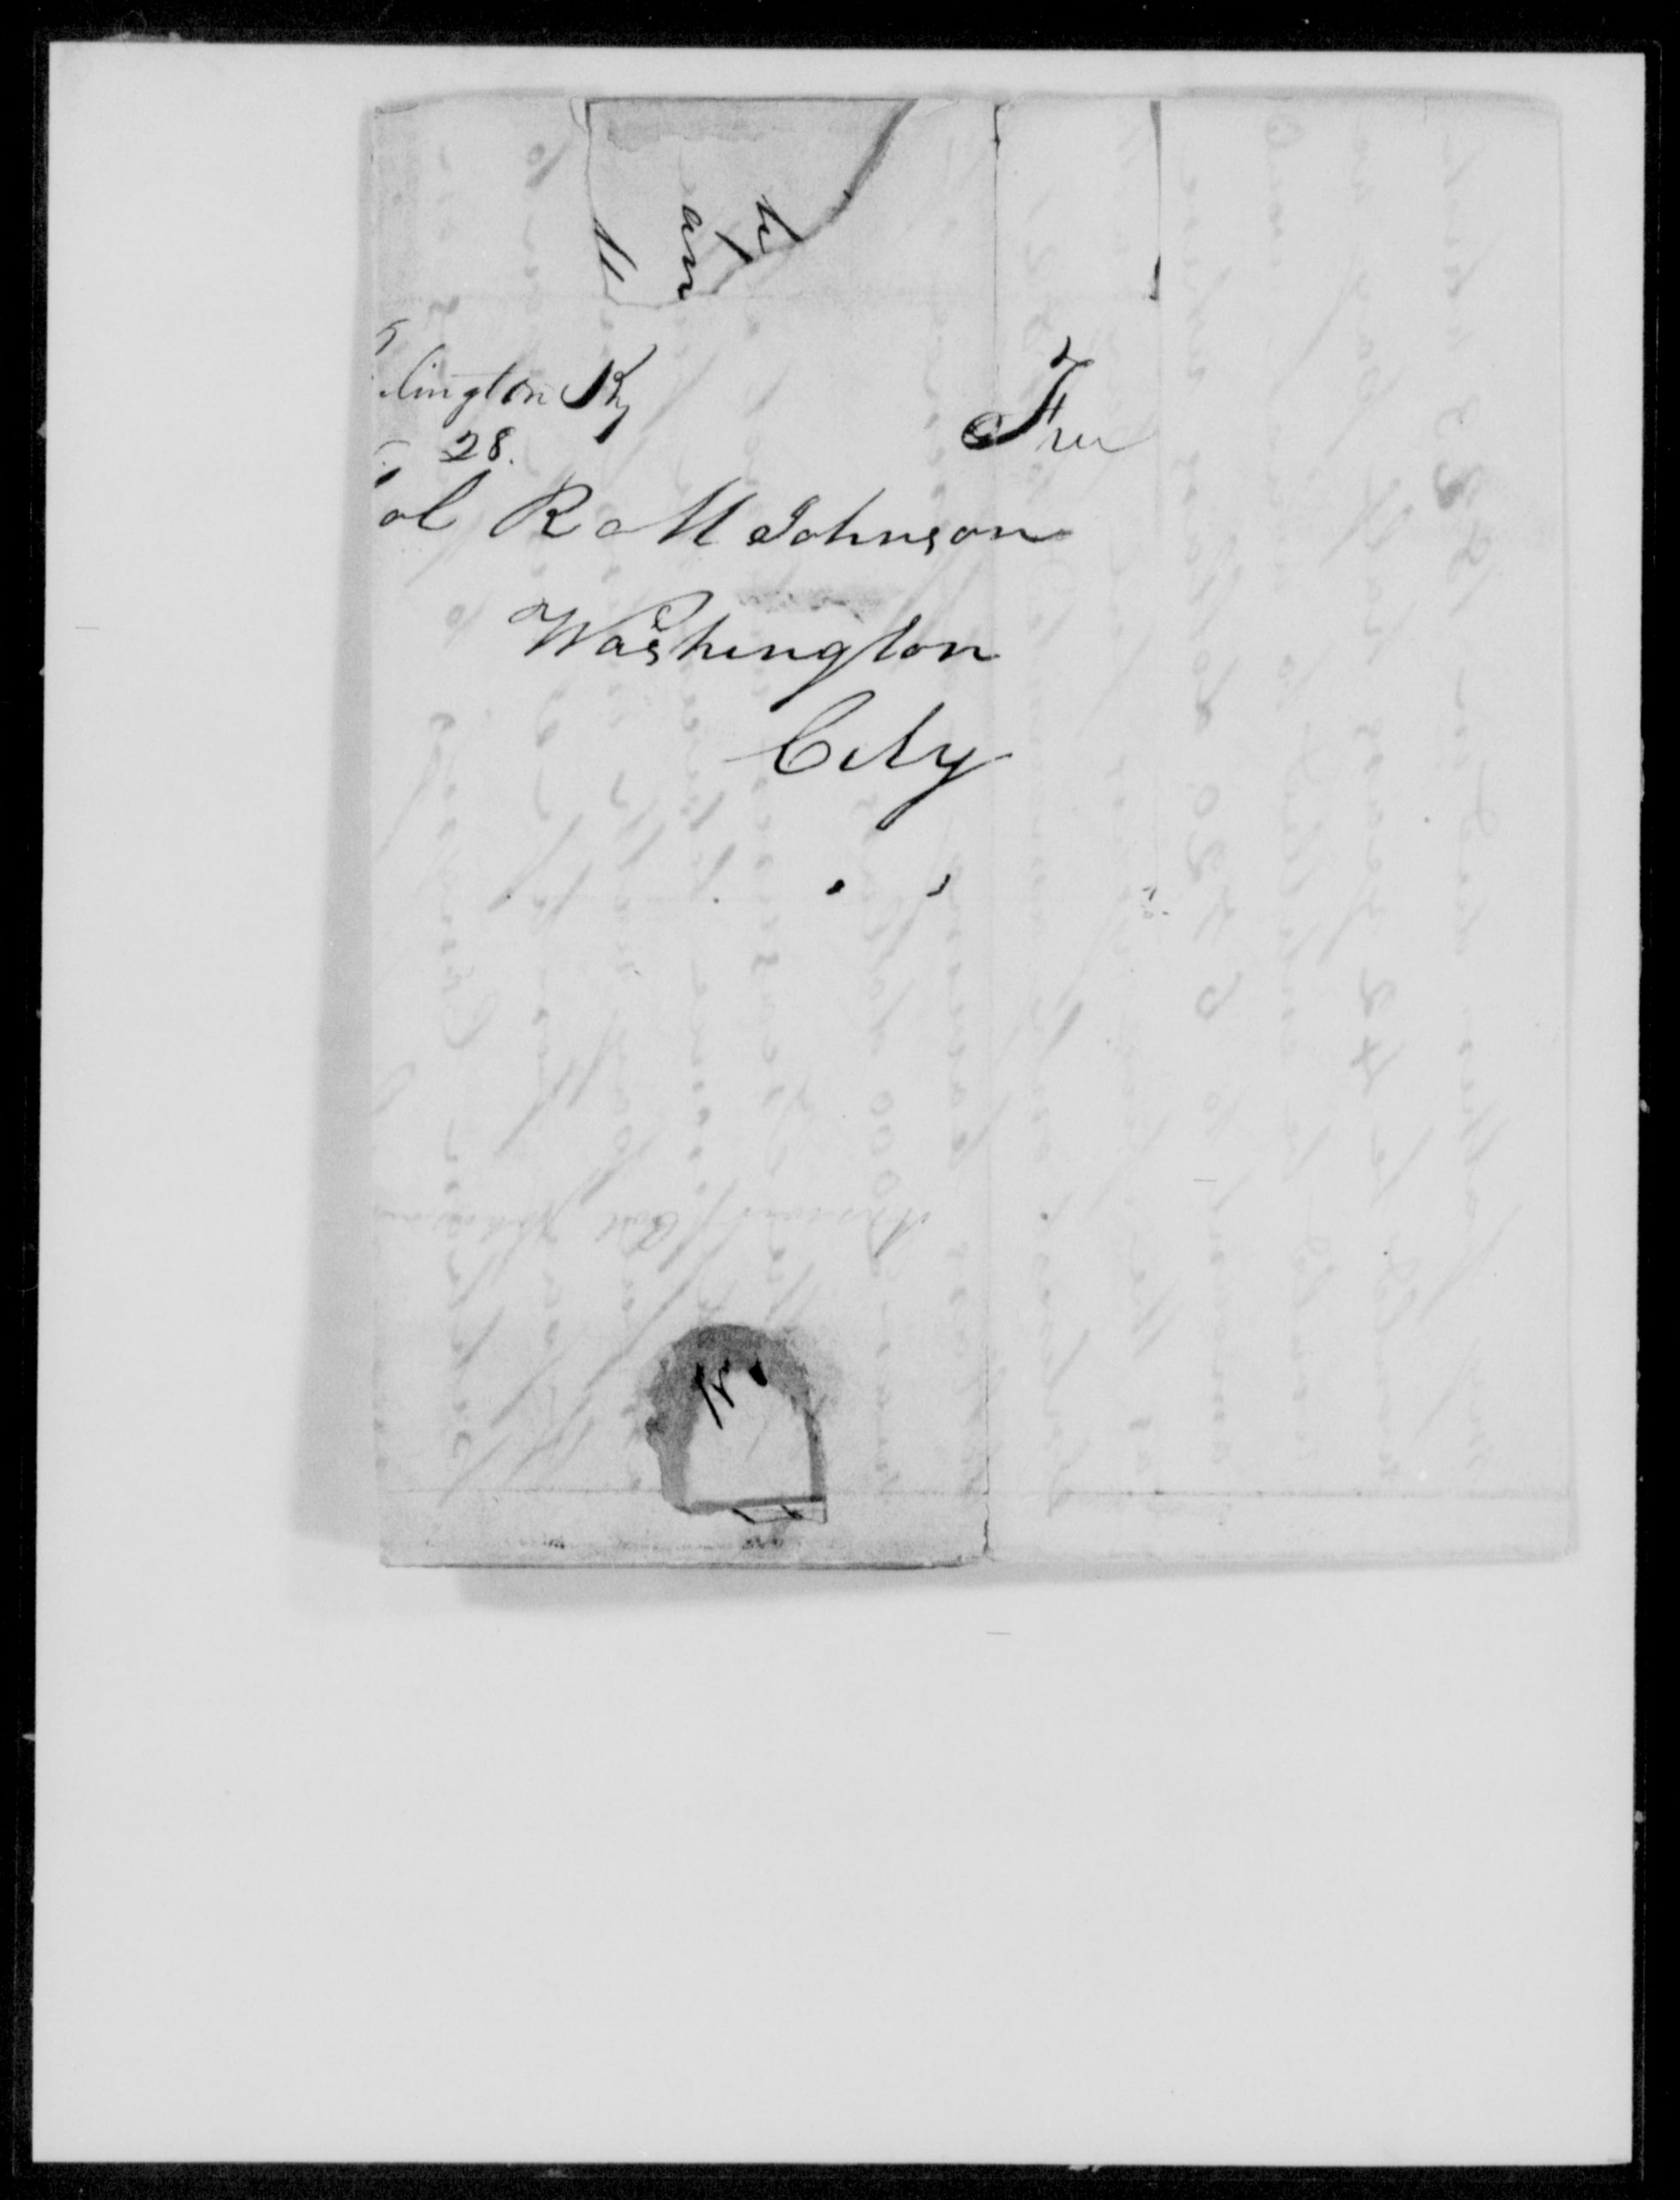[...illegible]lington Ky  [...illegible]
28
Col R M Johnson
Washington
City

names: R M Johnson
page: 9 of 51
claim: rejected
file: R. 10,921, William Vawter, Va.